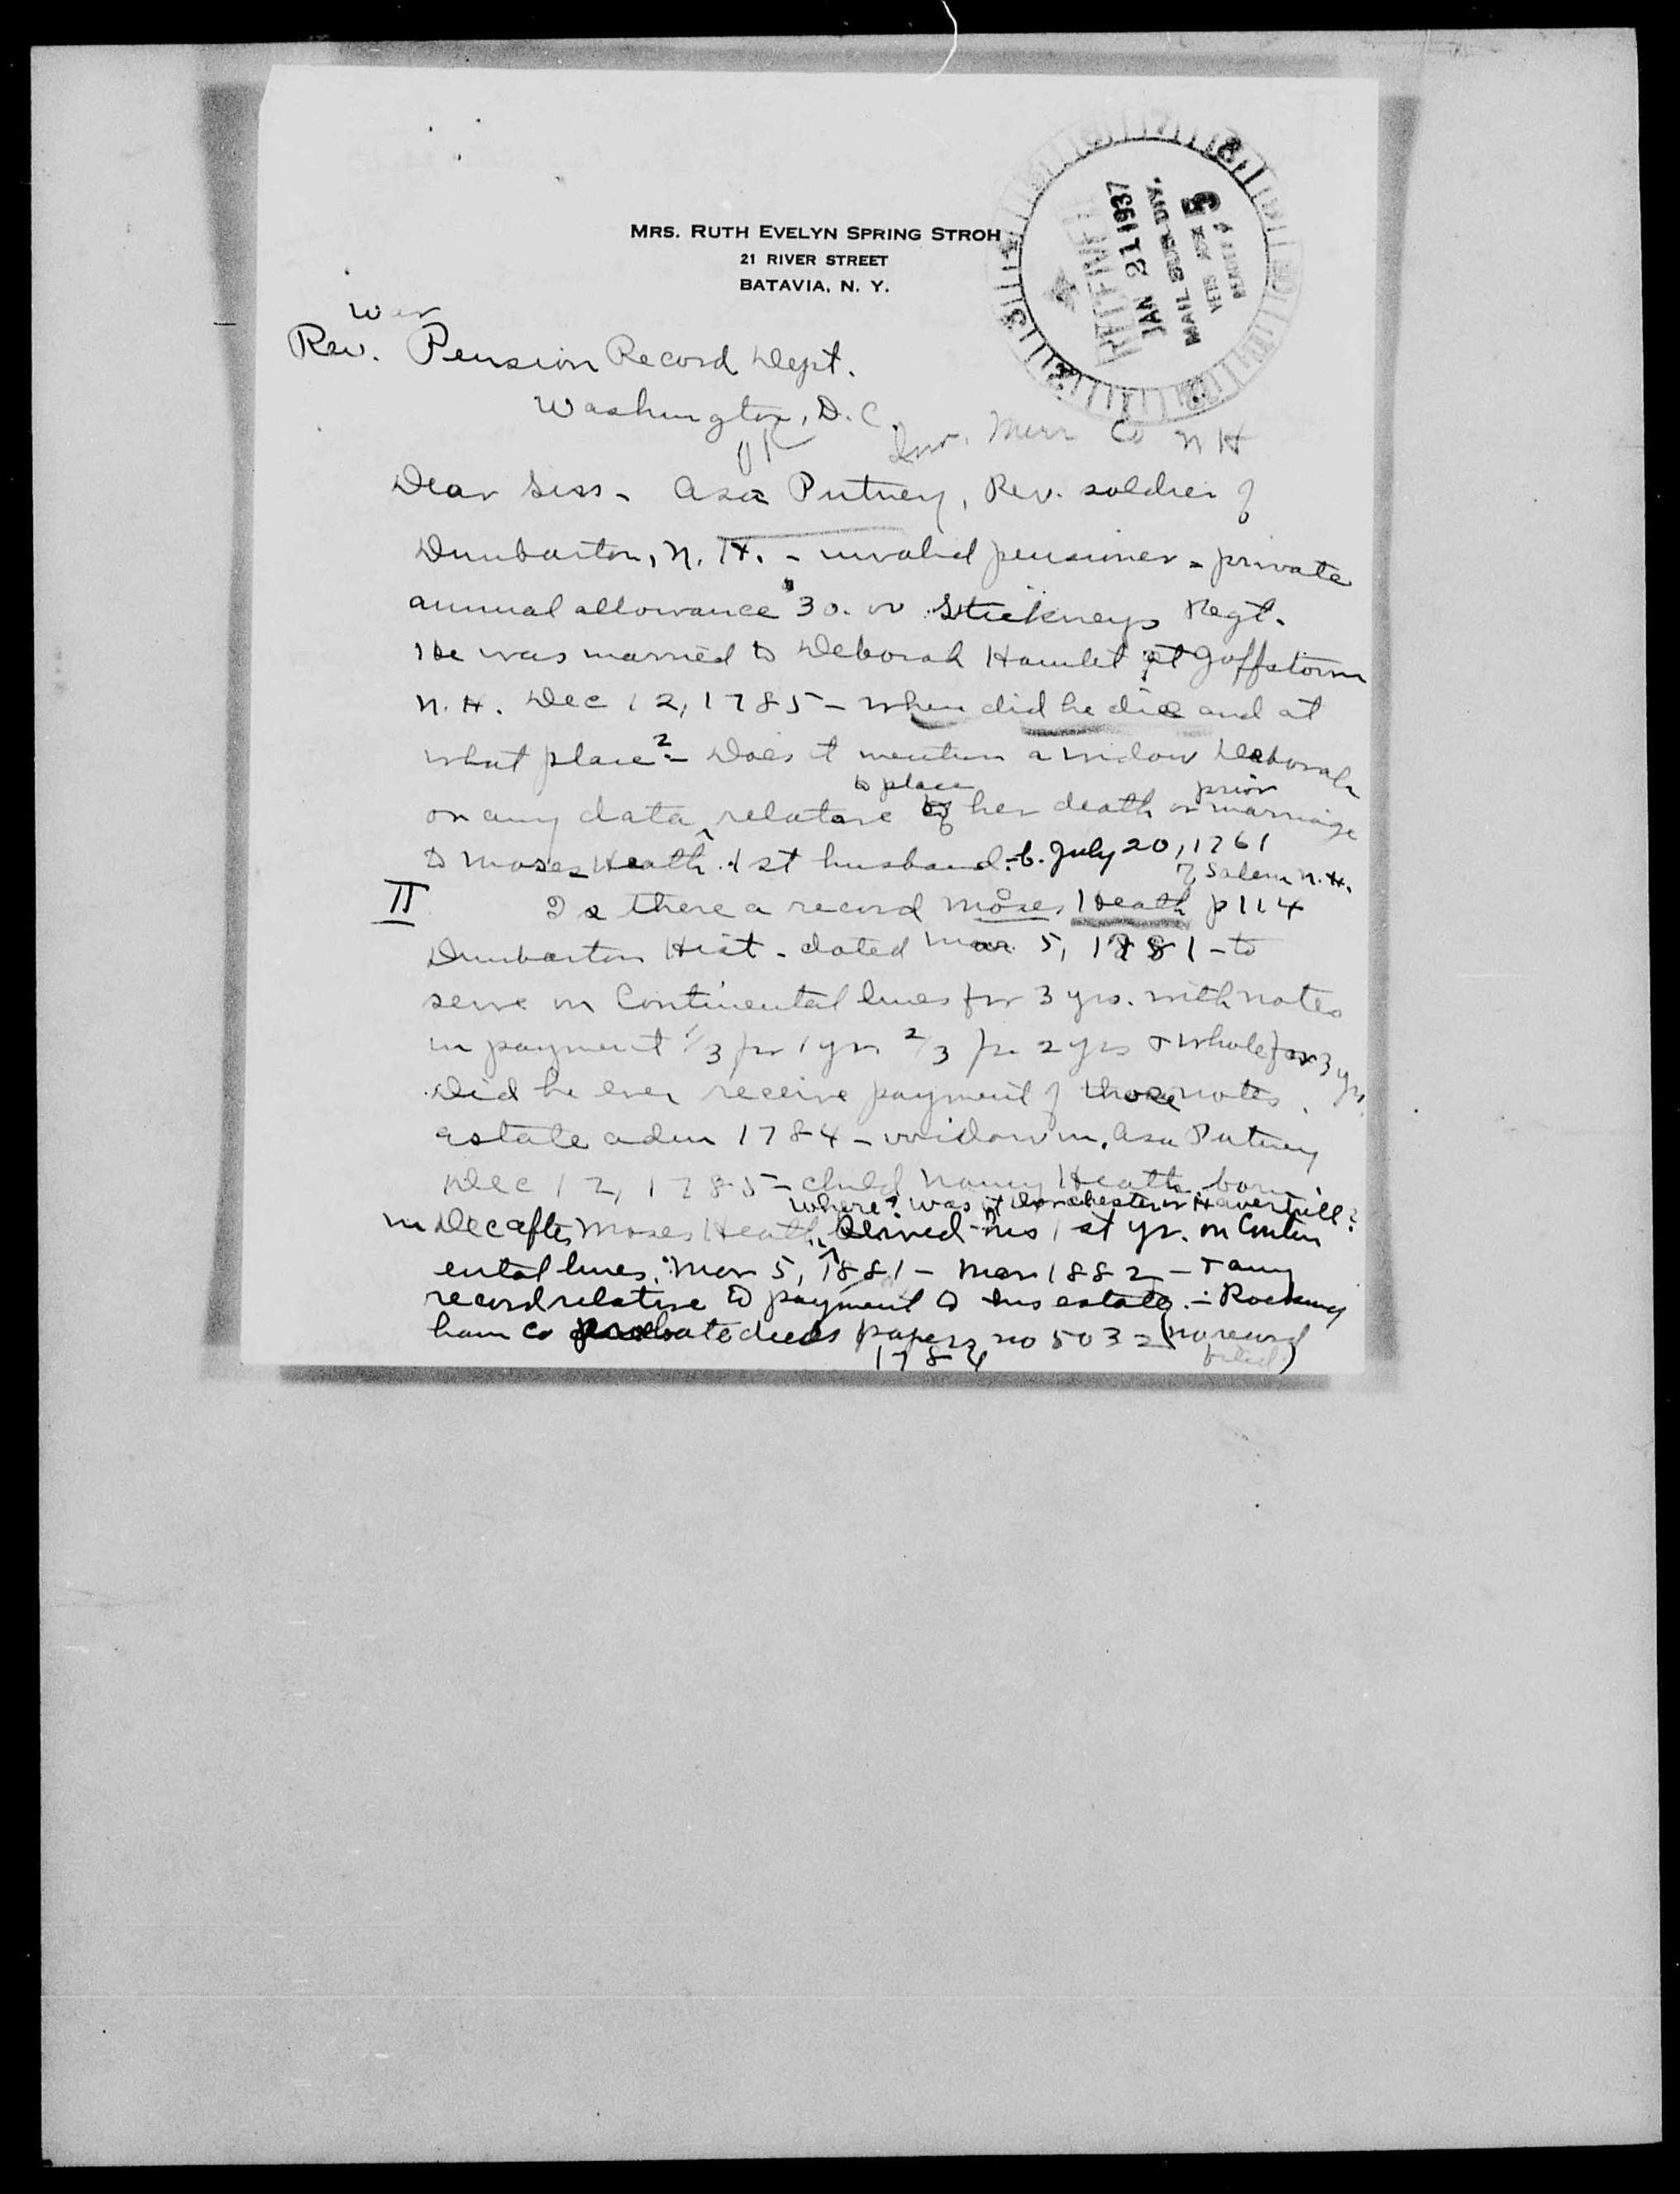[stamp in upper right corner of page]
RECEIVED
JAN 21 1937
MAIL BUS. DIV.
VETS ADM
READER # 5

MRS. RUTH EVELLYN SPRING STROH
21 RIVER STREET
BATAVIA, N. Y.

Rev. War Pension Record Dept.
Washington, D.C.

Dear Sirs--

Asa Putney ["OK  Inv. Merr Co NH" written above the name]  Rev. soldier of Dunbarton, N.H.--invalid pensioner--private annual allowance $30.00 Stickneys Regt.  He was married to Deborah Hamlet at Goffstown N.H. Dec 12, 1785--When did he die and at what place?  Does it mention a widow Deborah on any data relative to place of her death or prior marriage to Moses Heath 1st husband b. July 20, 1761 of Salem N.H.

II  
Is there a record Moses Heath [name underlined] p 114 Dunbarton Hist. dated Mar. 5, 1781--to serve in Continental lines for 3 yrs. with notes in payment 1/3 for 1 yr.  2/3 for 2 yrs & whole for 3 yrs.  Did he ever receive payment of those notes.  Estate adm 1784--widow m. Asa Putney Dec 12, 1785--child Nancy Heath born in Dec where?  Was it Dorchester or Haverhill?  after Moses Heath served his 1st yr. on Continental lines.  Mar 5, 1881--Mar 1882--& any record relative to payment to his estate.--Rockingham Co Probate deeds papers no 5032 (no record filed.)   1784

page: 12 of 14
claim: survivor's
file: S. 22943, for Asa Putney, New Hampshire